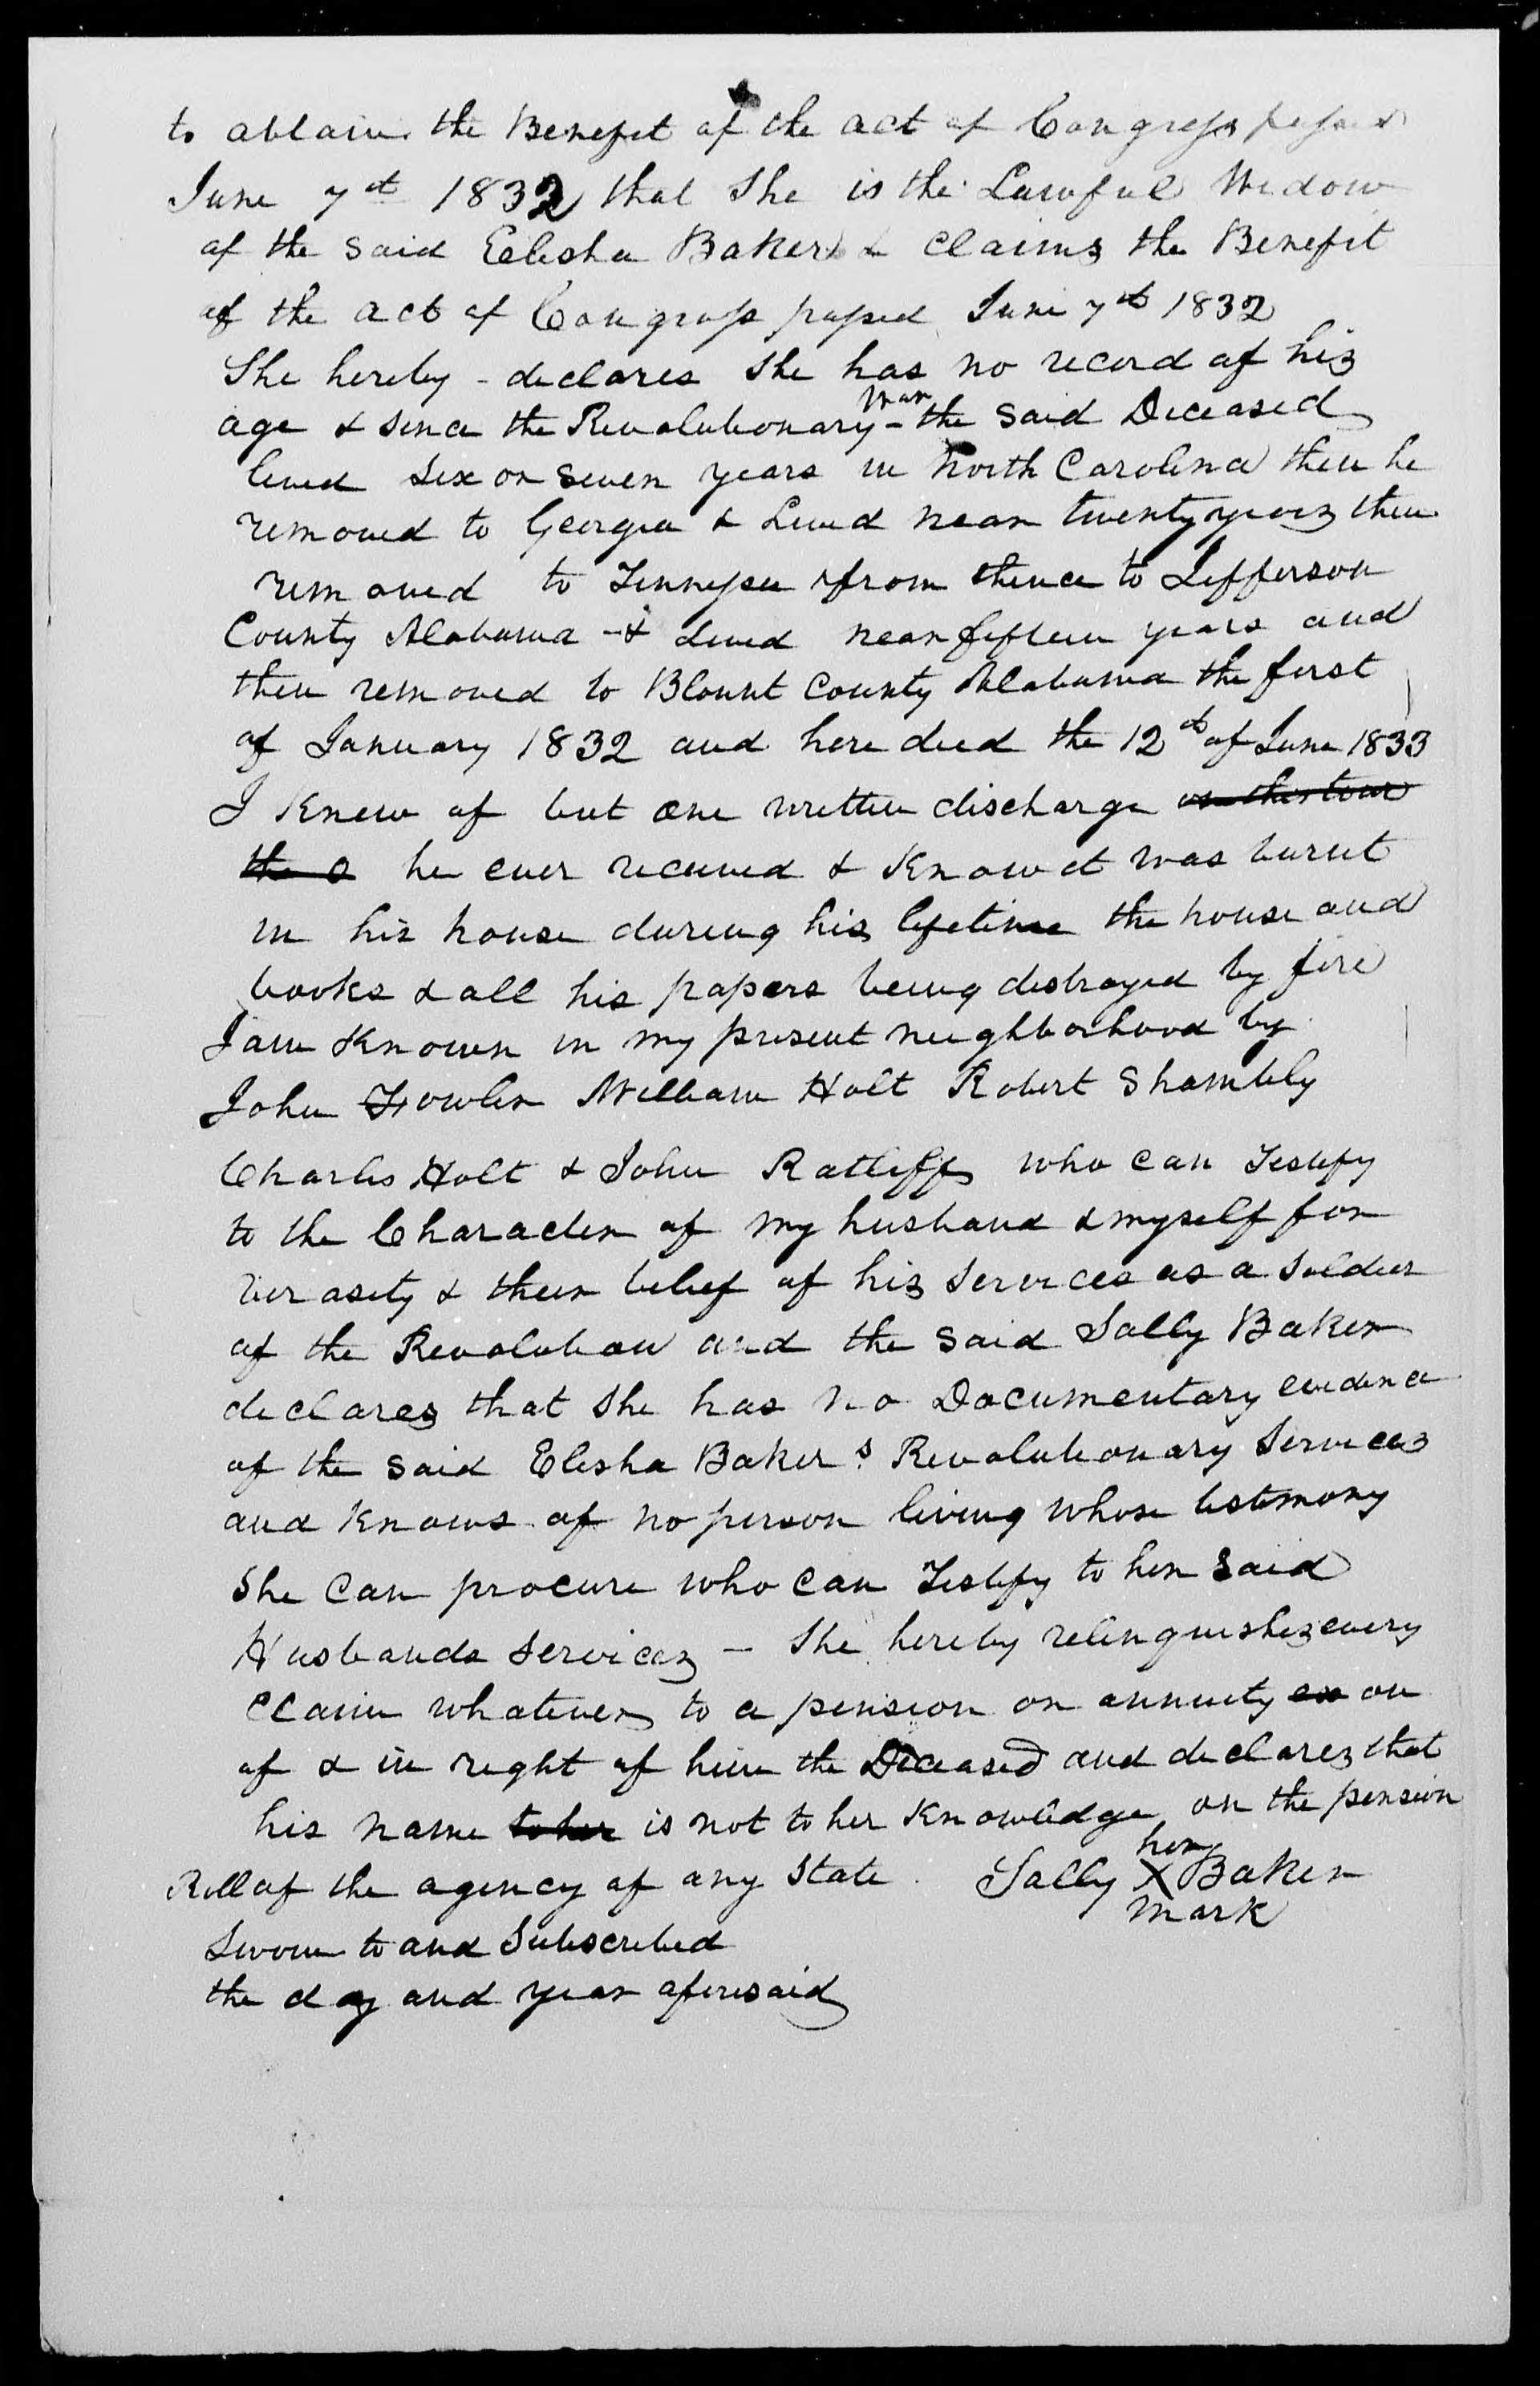to obtain the Benefit of the Act of Congress before June 7th 1832 that She is the Lawful Widow of the said Elisha Baker - claims the Benefit of the Act of Congress passed June 7th 1832  She hereby declares she has no record of his age & since the Revolutionary War - the said Deceased lived Six or Seven years in North Carolina then he removed to Georgia & lived near twenty years then removed to Tennessee from thence to Jefferson County Alabama & lived near fifteen years and then removed to Blount County Alabama the first of January 1832 and here died the 12th of June 1833. I knew of but one written discharge ^in the tour the^ [crossed out] he ever received & know it was burnt in his house during his lifetime the house and books & all his papers being destroyed by fire  I am known in my present neighborhood by John Fowler  William Holt  Robert Shambly  Charles Holt & John Ratliffs who can testify to the Character of my husband & myself for verasity & their belief of his services as a Soldier of the Revolution and the said Sally Baker declares that she has no Documentary evidence of the said Elisha Bakers Revolutionary Services and knows of no person living whose testimony she can procure who can Testify to her said Husbands Services - she hereby relinquishes every claim whatever to a pension or annuity or of & in right of him the Deceased and declares that his name ^to her^ [crossed out] is not to her knowledge on the pension Roll of the agency of any State. 
Sally Baker her X Mark
Sworn to and Subscribed the day and year aforesaid.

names: Robert Shambly, Charles Holt, Sally Baker, Elisha Baker, William Holt, John Ratliff, Sally Baker, John Fowler, Elisha Baker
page: 5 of 22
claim: rejected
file: R. 411, Elisha Baker, N.C.